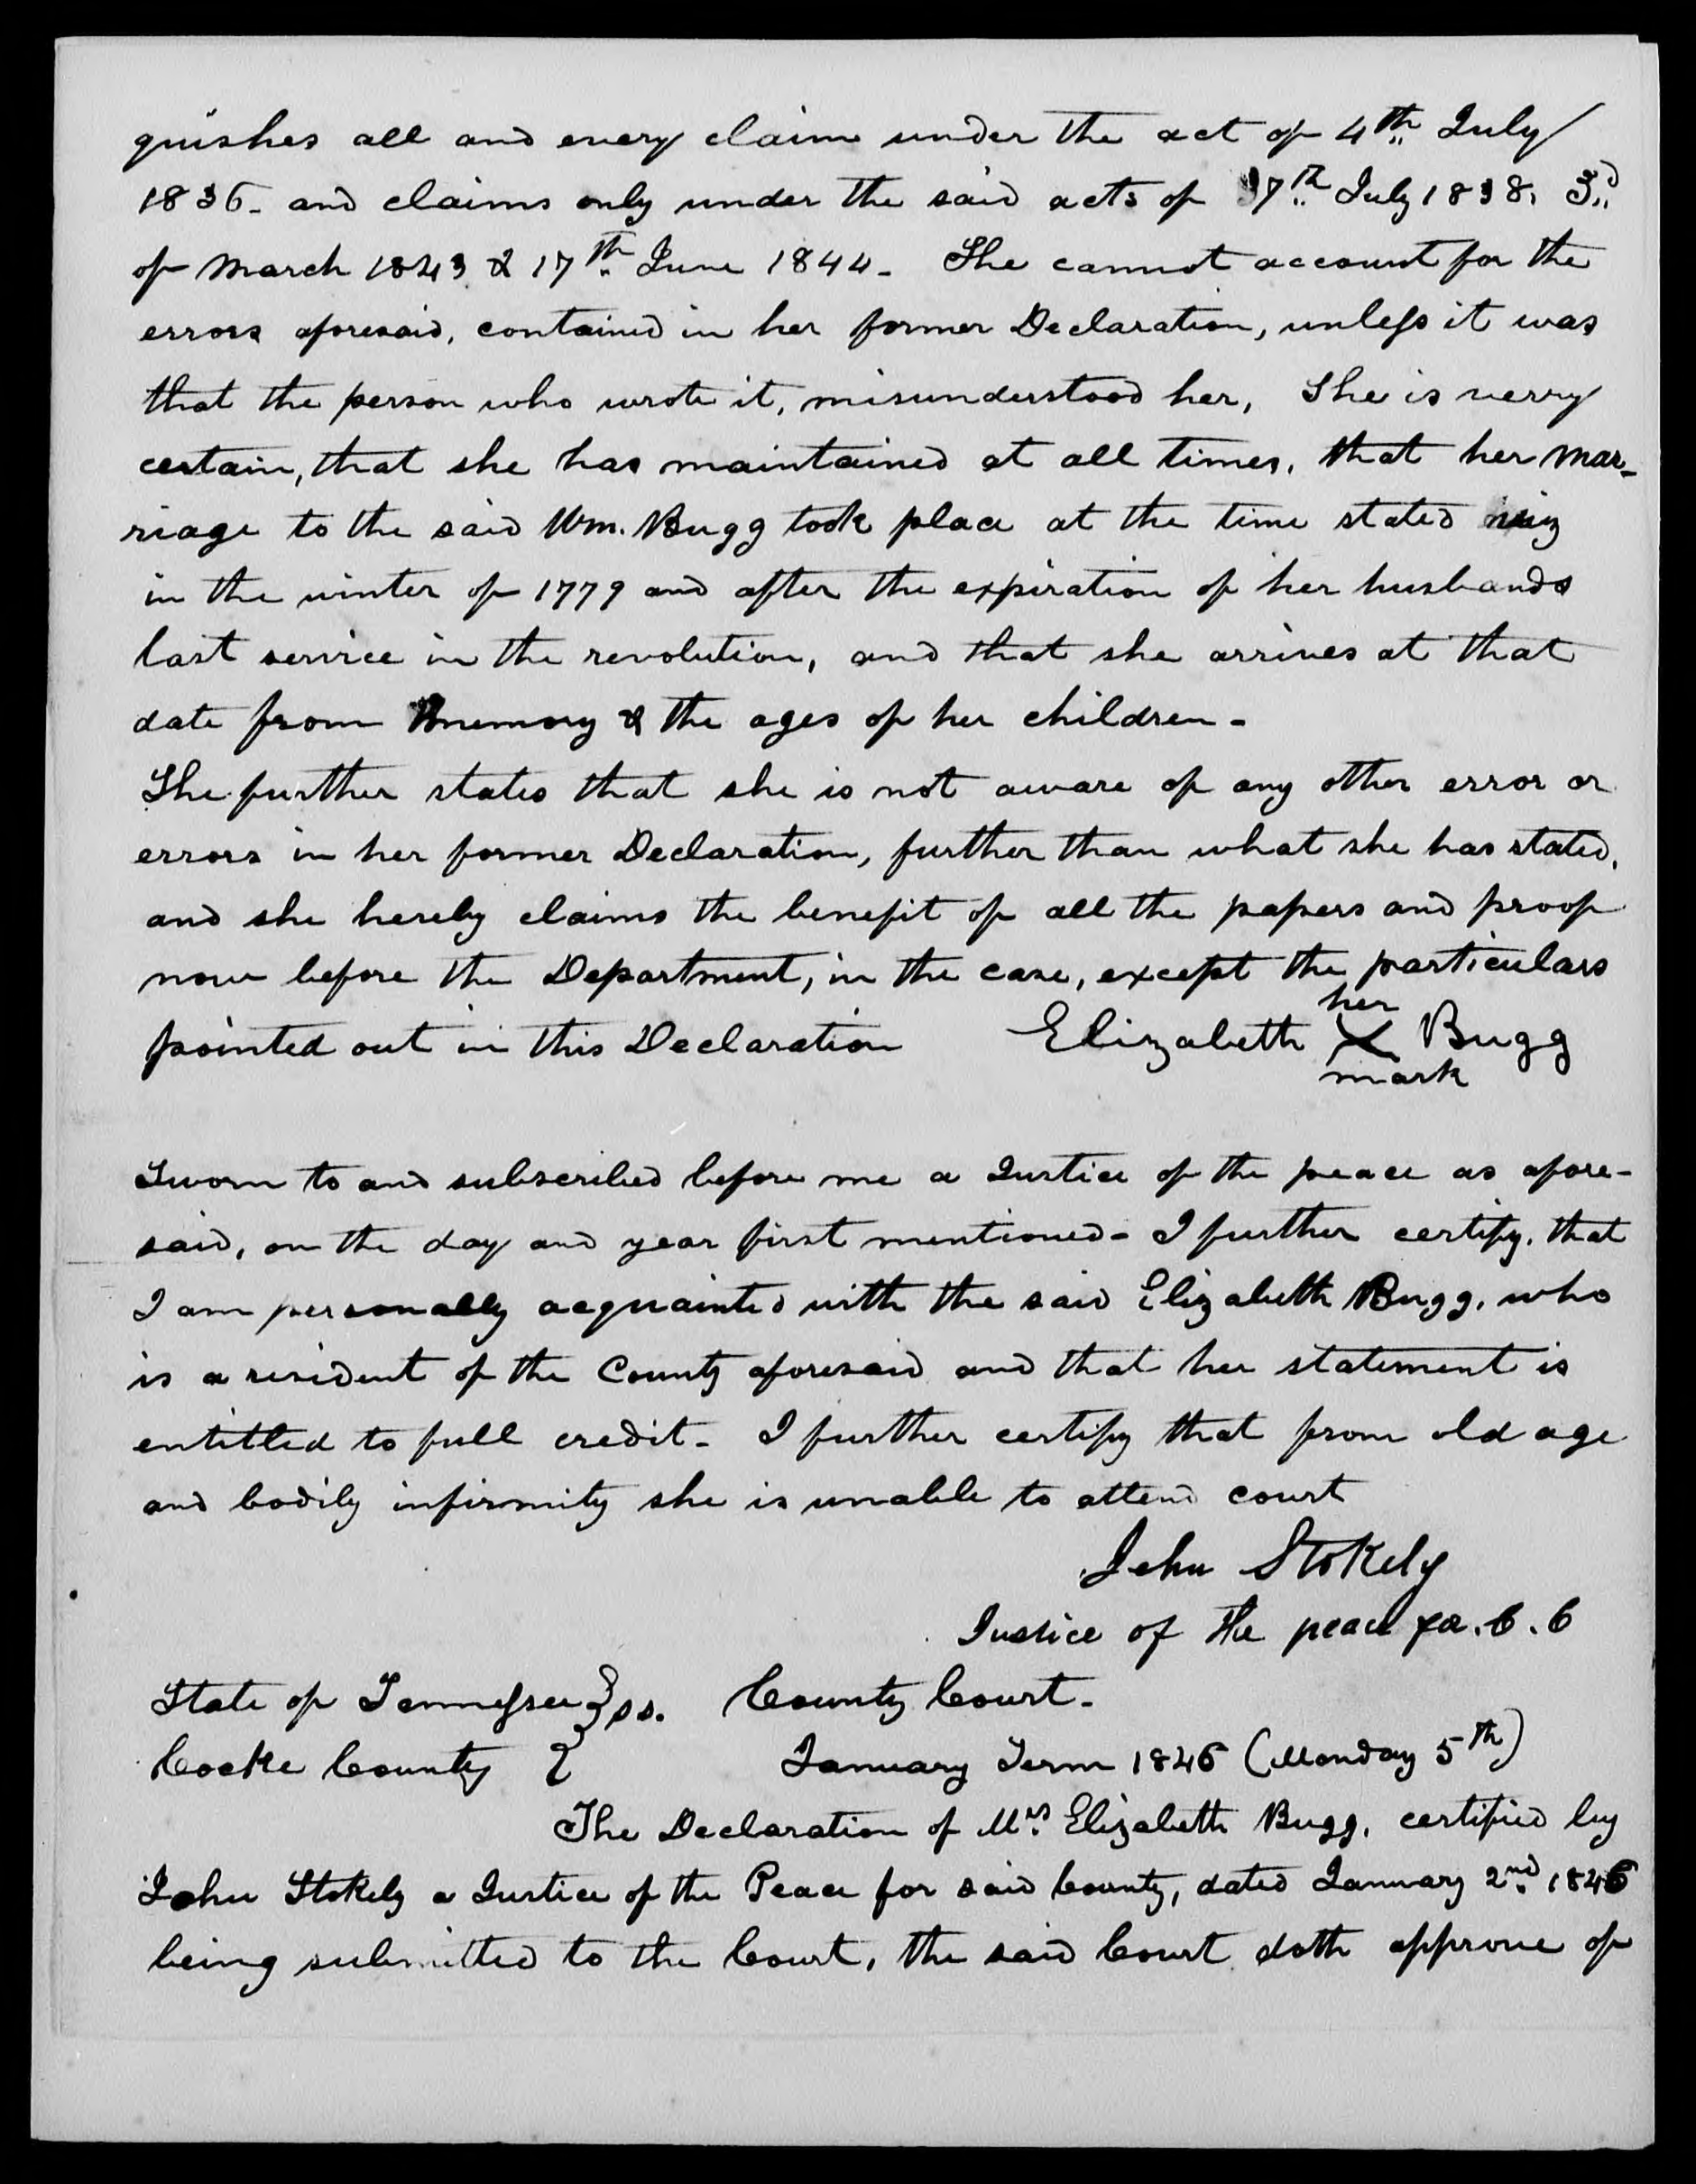quishes all and every claim under the act of 4th July 1836 [or 1835] - and claims only under the said acts of [here a "3" was partially blotted] 7th July 1838; 3d of March 1843, & 17th June 1844.  She cannot account for the errors aforesaid, contained in her former Declaration, unless it was that the person who wrote it, misunderstood her,

[Occasional spacing has been included, to make the long text easier to read.]

She is verry certain, that she has maintained at all times, that her Marriage to the said Wm. Bugg took place at the time stated viz in the winter of 1779 and after the expiration of her husbands last service in the revolution, and that she arrives at that date from memory & the ages of her children - 

She further states that she is not aware of any other error or errors in her former Declaration, further than what she has stated, and she hereby claims the benefit of all the papers and proof now before the Department, in the case, except the particulars pointed out in this Declaration   Elizabeth [her X mark] Bugg

Sworn to and subscribed before me a Justice of the peace as aforesaid, on the day and year first mentioned - I further certify, that I am personally acquainted with the said Elizabeth Bugg, who is a resident of the County aforesaid and that her statement is entitled to full credit.  I further certify that from old age and bodily infirmity she is unable to attend court
Jehu Stokely
Justice of the peace [the next scribble is hard to read, but may be "for."] C.C [possibly meaning Cocke County]

State of Tennessee) ss.    County Court. 
Cocke County)                 January Term 1846 [or 1845] (Monday 5th)

The Declaration of Mrs. Elizabeth Bugg, certified by [in the next first name, the second letter is smudged] John [or Jehu] Stokely a Justice of the Peace for said County, dated January 2nd, 1846 [in the previous year, the last number was overwritten, but appears to have been changed to 6, meaning 1846] being submitted to the Court, the said Court doth approve of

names: Wm Bugg, Elizabeth Bugg, Elizabeth Bugg, Elizabeth Bugg, Jehu Stokely, John Stokely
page: 49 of 50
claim: widow's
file: W. 898, William Bugg, N.C.